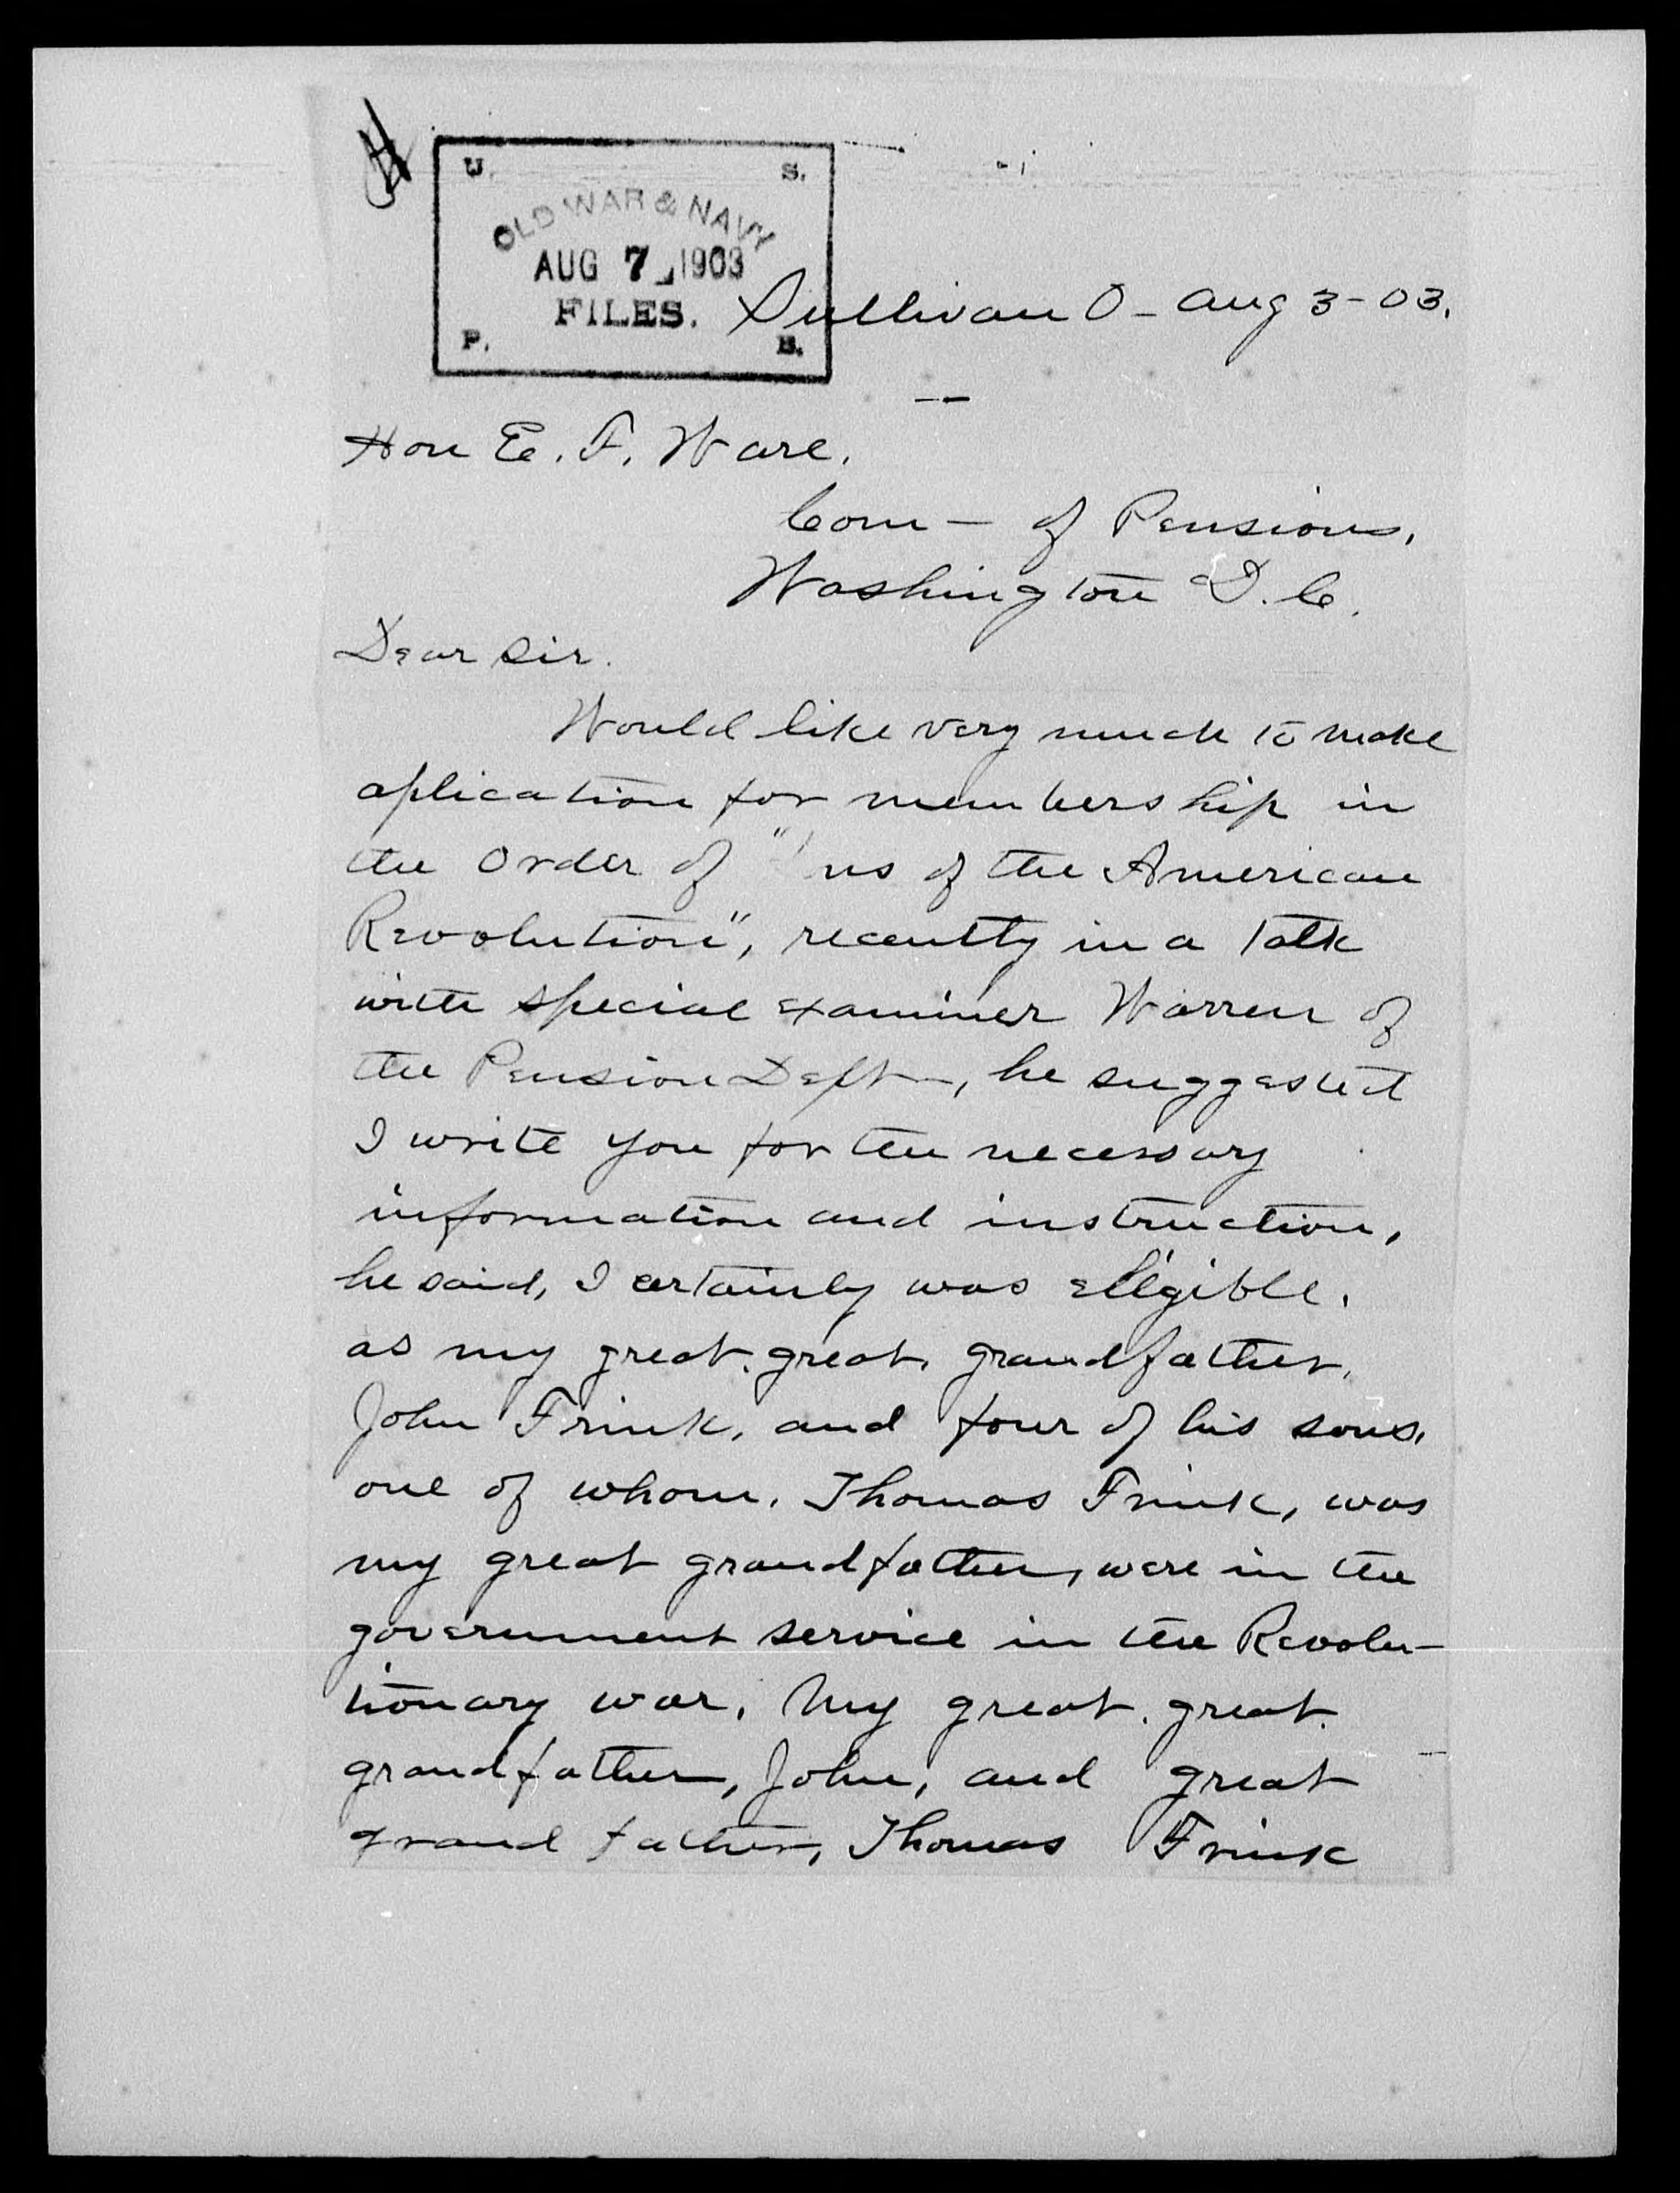[rectangular stamp top left reads:]

OLD WAR & NAVY                              Sullivan O_ Aug 3 - 03,
   AUG 7, 1903
         FILES
[one of each letter appears
  in the corners: U. S. P. B.]

Hon E. F. Ware,
                                    Com _ of Pensions,
                                    Washington D. C.

Dear Sir,
    Would like much to make application for numbers high in the Order of "Sons of the American Revolution", recently in a talk with special Examiner Warren of The Pension Dept, he suggested I write you for the necessary information and instruction.  he said, I certainly was eligible as my great-great grandfather John Frink, and four of his sons one of whom, Thomas Frink, was my great grandfather, were in the government service in the Revolutionary war. My great-great grandfather John, and great grandfather Thomas Frink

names: Thomas Frink, Thomas Frink, John, John Frink, E F Ware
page: 28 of 33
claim: survivor's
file: S 43571, Thomas Frink, Mass.